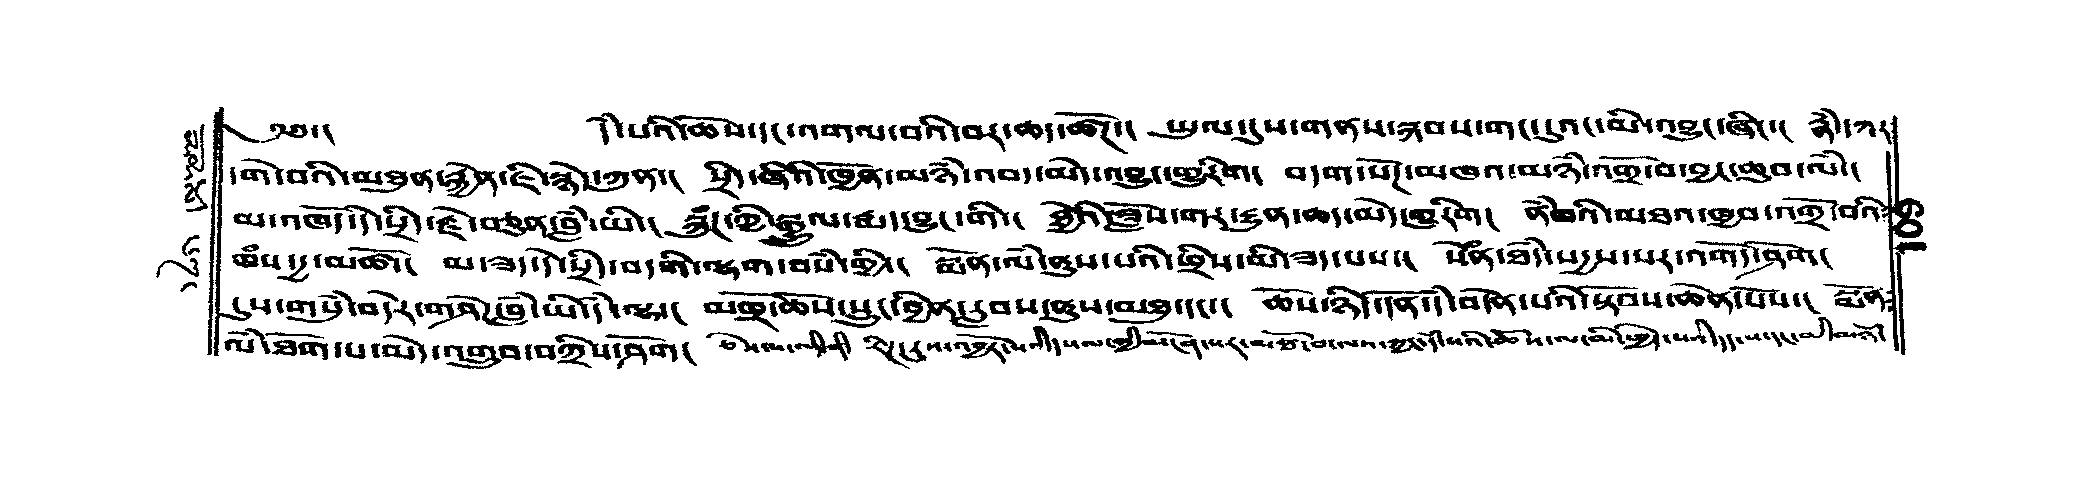།དམ་པའི་ཆོས་དང་འགལ་བའི་བར་ཆད་ཚོགས། །ཡུལ་དུས་གནས་སྐབས་གང་དུའང་མི་འབྱུང་ཞིང་། །རྣམ་དཀར་
དགེ་བའི་མཐུན་རྐྱེན་ཇི་སྙེད་ཀུན། །སྲིད་ཞིའི་ཁྱོན་མཉམ་འབད་མེད་འབྱུང་གྱུར་ཅིག །བདག་སོགས་མཁའ་མཉམ་འགྲོ་བ་བྱང་ཆུབ་ལམ། །
མ་འཁོད་དེ་སྲིད་རྗེ་བཙུན་བླ་མ་ཡི། །སྐུ་གསུང་ཐུགས་ཀྱི་སྒྱུ་འཕྲུལ་རྨད་བྱུང་གི །ཐུགས་རྗེའི་ཟློས་གར་རྒྱུན་ཆད་མེད་གྱུར་ཅིག །ནམ་མཁའི་མཐའ་ཁྱབ་འགྲོ་བའི་
ཁམས་རྒྱ་མཚོ། །མ་ཟད་དེ་སྲིད་བདག་གི་ལྷག་བསམ་གྱི། །སྨོན་ལམ་ནུས་པའི་ཕྲིན་ལས་མི་ཟད་པས། །སེམས་ཅན་ཐམས་ཅད་སངས་རྒྱས་སར་འགོད་ཤོག །
དུས་གསུམ་བདེ་གཤེགས་བླ་མ་ཡི་དམ་ལྷ། །མཁའ་འགྲོ་ཆོས་སྲུང་བྱིན་རླབས་ནུས་མཐུ་དང་། །ཆོས་ཉིད་དོན་དམ་བདེན་པའི་སྟོབས་ཆེན་པོས། །སྨོན་
ལམ་ཐོག་པ་མེད་འགྲུབ་བཀྲ་ཤིས་ཤོག ཅེས་པ་འདི་ནི་རིགས་རུས་འབྱོར་པའི་དཔལ་གྱི་མངོན་པར་མཐོ་བ་ལས་ཀྱང་དམ་པའི་ཆོས་ལ་མི་ཕྱེད་པའི་དད་པ་དང་མི་མཉམ་